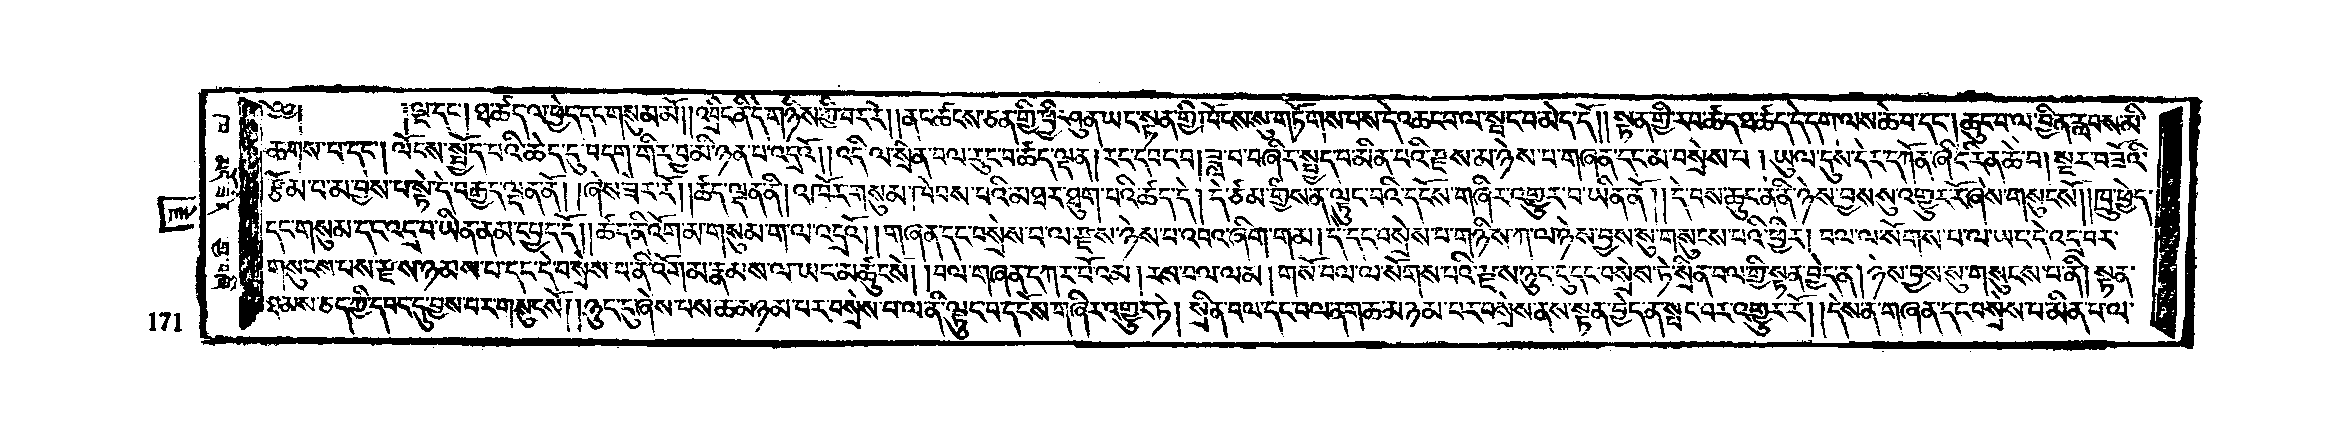༄༅། །ལ་དང་། ཐ་ཚད་ལ་ཕྱེད་དང་གསུམ་མོ། །འབྲིང་ནི་དེ་གཉིས་ཀྱི་བར་རོ། །ནང་ཚངས་ཅན་གྱི་ཕྱིར་ཤུན་ཡང་སྟན་གྱི་ཁོངས་སུ་གཏོགས་པས་དེ་འཆང་བ་ལ་སྤང་བ་མེད་དོ། །སྟན་གྱི་རབ་ཚད་ཐ་ཚད་དེ་དག་ལས་ཆེ་བ་དང་། ཆུང་བ་ལ་བྱིན་རླབས་མི་
ཆགས་པ་དང་། ལོངས་སྤྱོད་པའི་ཆེད་དུ་བདག་གིར་བྱ་མི་ཉན་པ་འདྲའོ། །འདི་ལ་སྲིན་བལ་རུང་བ་ཚད་ལྡན། རང་དབང་བ། ཟླ་བ་བཞིར་སྤྱད་པ་མིན་པའི་རྫས་མ་ཉེས་པ་གཞན་དང་མ་བསྲེས་པ། ཡུལ་དུས་དེར་དཀོན་ཞིང་རིན་ཆེ་བ། སྔར་བཟོའི་
རྩོམ་པ་མ་བྱས་པ་སྟེ་དེ་བརྒྱད་ལྡན་ནོ། །ཞེས་ཟེར་རོ། །ཚད་ལྡན་ནི། འཁོར་གསུམ་ཁེབས་པའི་མཐར་ཐུག་པའི་ཚད་དེ། དེ་ཙམ་གྱིས་ན་ལྟུང་བའི་དངོས་གཞིར་འགྱུར་བ་ཡིན་ནོ། །དེ་བས་ཆུང་ན་ནི་ཉེས་བྱས་སུ་འགྱུར་རོ་ཞེས་གསུངས་སོ། །ཁྲུ་ཕྱེད་
དང་གསུམ་དང་འདྲ་བ་ཡིན་ནམ་དཔྱད་དོ། །ཚད་ནི་འོག་མ་གསུམ་ག་ལ་འདྲའོ། །གཞན་དང་བསྲེས་པ་ལ་རྫས་ཉེས་པ་འབའ་ཞིག་གམ། དེ་དང་བསྲེས་པ་གཉིས་ཀ་ལ་ཉེས་བྱས་སུ་གསུངས་པའི་ཕྱིར། བལ་ལ་སོགས་པ་ལ་ཡང་དེ་འདྲ་བར་
གསུངས་པས་རྫས་ཉམས་པ་དང་དེ་བསྲེས་པ་ནི་འོག་མ་རྣམས་ལ་ཡང་མཚུངས་སོ། །བལ་གཞན་དཀར་པོ་འམ། རས་བལ་ལམ། གསོ་བལ་ལ་སོགས་པའི་རྫས་ཉུང་དུ་དང་བསྲེས་ཏེ་སྲིན་བལ་གྱི་སྟན་བྱེད་ན། ཉེས་བྱས་སུ་གསུངས་པ་ནི། སྟན་
ཐམས་ཅད་ཀྱི་དབང་དུ་བྱས་པར་གསུངས་སོ། །ཉུང་དུ་ཞེས་པས་ཆ་མཉམ་པར་བསྲེས་པ་ལ་ནི་ལྟུང་བ་དངོས་གཞིར་འགྱུར་ཏེ། སྲིན་བལ་དང་བལ་ནག་ཆ་མཉམ་པར་བསྲེས་ནས་སྟན་བྱེད་ན་སྤང་བར་འགྱུར་རོ། །དེས་ན་གཞན་དང་བསྲེས་པ་མིན་པ་ལ་